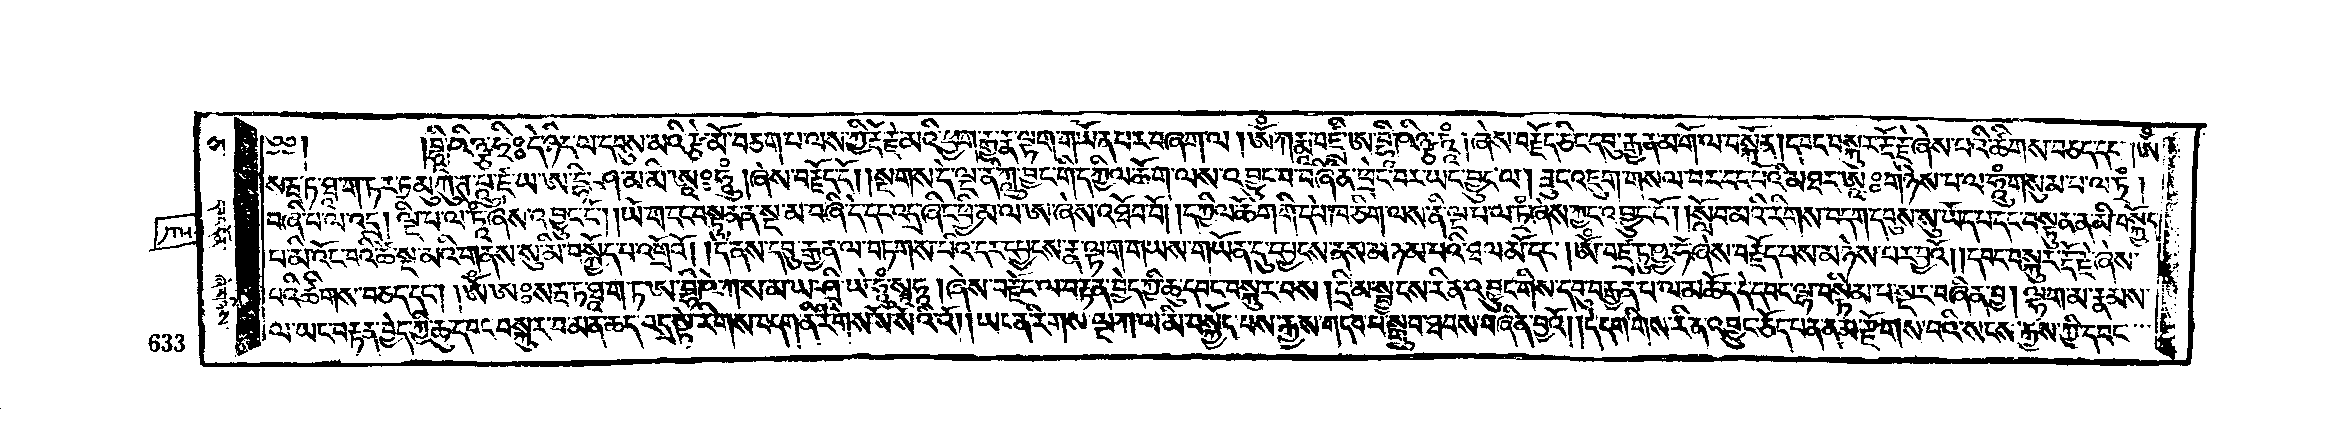༄༅། །བྷཱི་ཥིཉྩ་ཧྲིཿ དེ་ཉིད་ལ་དབུས་མའི་རྩེ་མོ་བཅག་པ་ལས་ཀྱི་རྡོ་རྗེ་མའི་ཕྱག་རྒྱ་རྣ་ལྟག་གཡོན་པར་བཞག་ལ། ཨོཾ་ཀརྨཱ་བཛྲཱི་ཨ་བྷཱི་ཥིཉྩ་ཏཱཾ། ཞེས་བརྗོད་ཅིང་དབུ་རྒྱན་མགོ་ལ་བསྐོན། དབང་བསྐུར་རྡོ་རྗེ་ཞེས་པའི་ཚིགས་བཅད་དང་། ཨོཾ་
སརྦ་ཏ་ཐཱ་ག་ཏ་རཏྣ་མུ་ཀུ་ཊ་པཱུ་ཇེ་ཡ་ཨ་དྷི་ཤ་མ་མི་ཨཱཿ ཧཱུཾ། ཞེས་བརྗོད་དོ། །སྔགས་དེ་ལྔ་ནི་ཀླུ་བྱང་གི་དཀྱིལ་ཆོག་ལས་འབྱུང་བ་བཞིན་ཕྲེང་བར་ཡང་བྱུང་ལ། ཟུང་འཇུག་གསལ་བར་དང་པོའི་མཐར་ཨཱཿ གཉིས་པ་ལ་ཧཱུཾ་གསུམ་པ་ལ་ཏྲཾ།
བཞི་པ་ལ་འདྲ། ལྔ་པ་ལ་ཏཱཾ་ཞེས་འབྱུང་ངོ། །ཡོ་ག་དང་བསྟུན་ན་སྔ་མ་བཞི་དེ་དང་འདྲ་ཞིང་ཕྱི་མ་ལ་ཨ་ཞེས་འཐོབ་བོ། །དཀྱིལ་ཆོག་གི་དཔེ་ཁ་ཅིག་ལས་ནི་ལྔ་པ་ལ་ཏྲཾ་ཞེས་ཀྱང་འབྱུང་ངོ། །སློབ་མའི་རིགས་བདག་དབུས་སུ་ཡོད་པ་དང་བསྟུན་ན་མི་བསྐྱོད་
པ་མི་འོང་བའི་ཚེ་སྔ་མའི་གནས་སུ་མི་བསྐྱོད་པ་འགྲོའོ། །དེ་ནས་དབུ་རྒྱན་ལ་བཏགས་པའི་དར་དཔྱངས་རྣ་ལྟག་གཡས་གཡོན་དུ་དཔྱངས་ནས་མཉམ་པའི་ཐལ་མོ་དང་། ཨོཾ་བཛྲ་ཏུ་ཥྱ་ཧོ་ཞེས་བརྗོད་པས་མཉེས་པར་བྱའོ། །དབང་བསྐུར་རྡོ་རྗེ་ཞེས་
པའི་ཚིགས་བཅད་དང་། །ཨོཾ་ཨཱཿ སརྦ་ཏ་ཐཱ་ག་ཏ་ཨ་བྷི་ཥེ་ཀ་ས་མ་ཡ་ཤྲཱི་ཡེ་ཧཱུཾ་སྭཱ་ཧཱ། ཞེས་བརྗོད་ལ་བརྟན་བྱེད་ཀྱི་ཆུ་དབང་བསྐུར་བས། དྲི་མ་སྦྱངས་རིན་འབྱུང་གིས་དབུ་བརྒྱན་པ་ལ་མཆོད་དེ་དབང་ལྷ་བསྟིམ་པ་སྔར་བཞིན་བྱ། ལྷག་མ་རྣམས་
ལ་ཡང་བརྟན་བྱེད་ཀྱི་ཆུ་དབང་བསྐུར་བ་མན་ཆད་འདྲ་སྟེ་རིགས་བདག་ནི་རིགས་སོ་སོའི་འོ། །ཡང་ན་རིགས་ལྔ་ཀ་ལ་མི་བསྐྱོད་པས་རྒྱས་གདབ་པོ་སྒྲུབ་ཐབས་བཞིན་བྱའོ། །དེ་དག་གིས་རིན་འབྱུང་ཅོད་པན་ནམ་རྫོགས་པའི་སངས་རྒྱས་ཀྱི་དབང་